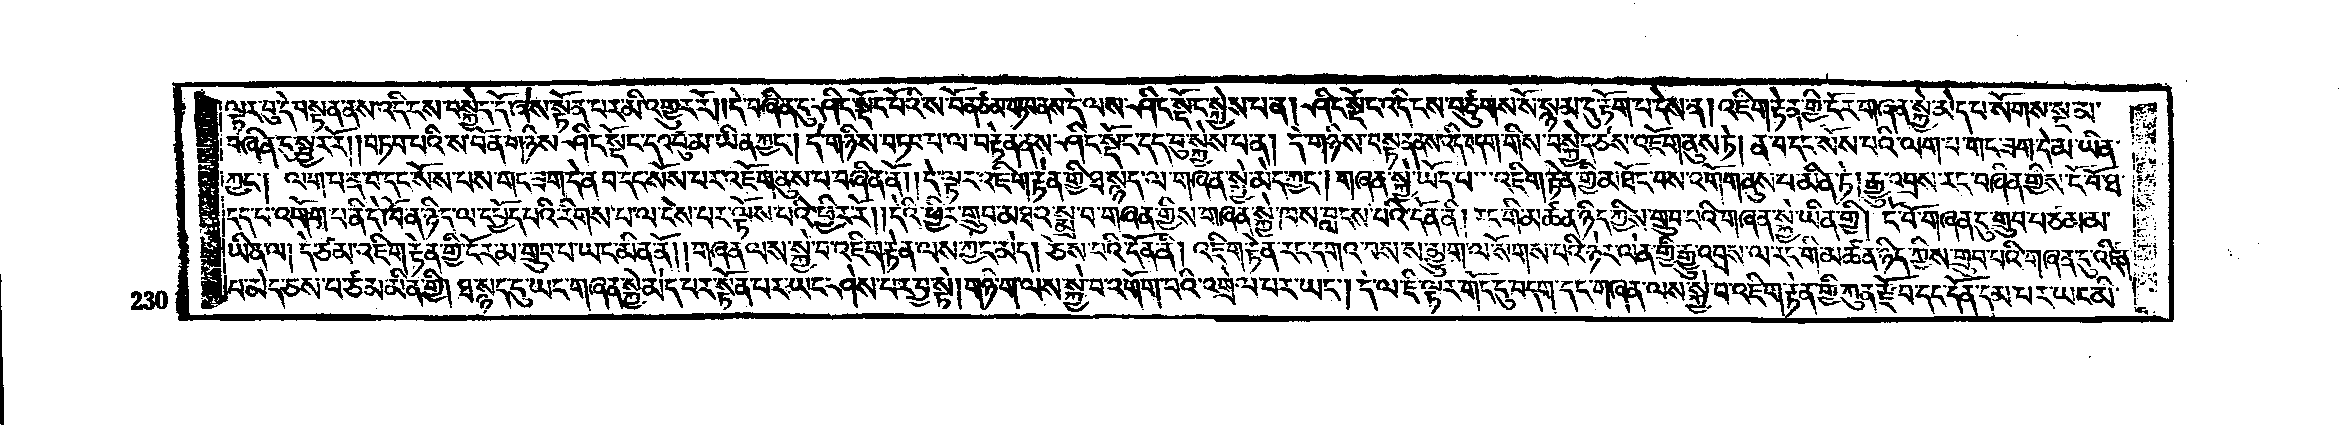ལྟར་བུ་དེ་བསྟན་ནས་འདི་ངས་བསྐྱེད་དོ་ཞེས་སྟོན་པར་མི་འགྱུར་རོ། །དེ་བཞིན་དུ་ཤིང་སྡོང་པོའི་ས་བོན་ཙམ་བཏབ་ནས་དེ་ལས་ཤིང་སྡོང་སྐྱེས་པ་ན། ཤིང་སྡོང་འདི་ངས་བཙུགས་སོ་སྙམ་དུ་རྟོག་པ་དེས་ན། འཇིག་རྟེན་གྱི་ངོར་གཞན་སྐྱེ་མེད་པ་སོགས་སྔ་མ་
བཞིན་དུ་སྦྱར་རོ། །བཏབ་པའི་ས་བོན་གཉིས་ཤིང་སྡོང་དང་བུ་མ་ཡིན་ཀྱང་། དེ་གཉིས་བཏབ་པ་ལ་བརྟེན་ནས་ཤིང་སྡོང་དང་བུ་སྐྱེས་པ་ན། དེ་གཉིས་བསྟན་ནས་འདི་བདག་གིས་བསྐྱེད་ཅེས་འཇོག་ནུས་ཏེ། ན་བ་དང་སོས་པའི་ལག་པ་གང་ཟག་དེ་མ་ཡིན་
ཀྱང་། ལག་པ་ན་བ་དང་སོས་པས་གང་ཟག་དེ་ན་བ་དང་སོས་པར་འཇོག་ནུས་པ་བཞིན་ནོ། །དེ་ལྟར་འཇིག་རྟེན་གྱི་ཐ་སྙད་ལ་གཞན་སྐྱེ་མེད་ཀྱང་། གཞན་སྐྱེ་ཡོད་པ་འཇིག་རྟེན་གྱི་མཐོང་བས་འགོག་ནུས་པ་མིན་ཏེ། རྒྱུ་འབྲས་རང་བཞིན་གྱིས་ངོ་བོ་ཐ་
དད་པ་འགོག་པ་ནི་དེ་ཁོ་ན་ཉིད་ལ་དཔྱོད་པའི་རིགས་པ་ལ་ངེས་པར་ལྟོས་པའི་ཕྱིར་རོ། །དེའི་ཕྱིར་གྲུབ་མཐའ་སྨྲ་བ་གཞན་གྱིས་གཞན་སྐྱེ་ཁས་བླངས་པའི་དོན་ནི། རང་གི་མཚན་ཉིད་ཀྱིས་གྲུབ་པའི་གཞན་སྐྱེ་ཡིན་གྱི། ངོ་བོ་གཞན་དུ་གྲུབ་པ་ཙམ་མ་
ཡིན་ལ། དེ་ཙམ་འཇིག་རྟེན་གྱི་ངོར་མ་གྲུབ་པ་ཡང་མིན་ནོ། །གཞན་ལས་སྐྱེ་བ་འཇིག་རྟེན་ལས་ཀྱང་མེད། ཅེས་པའི་དོན་ནི། འཇིག་རྟེན་རང་དགའ་བས་ས་མྱུག་ལ་སོགས་པའི་ཉེར་ལེན་གྱི་རྒྱུ་འབྲས་ལ་རང་གི་མཚན་ཉིད་ཀྱིས་གྲུབ་པའི་གཞན་དུ་འཛིན་
པ་མེད་ཅེས་པ་ཙམ་མིན་གྱི། ཐ་སྙད་དུ་ཡང་གཞན་སྐྱེ་མེད་པར་སྟོན་པར་ཡང་ཤེས་པར་བྱ་སྟེ། གཉི་ག་ལས་སྐྱེ་བ་འགོག་པའི་འགྲེལ་པར་ཡང་། དེ་ལ་ཇི་ལྟར་གོང་དུ་བདག་དང་གཞན་ལས་སྐྱེ་བ་འཇིག་རྟེན་གྱི་ཀུན་རྫོབ་དང་དོན་དམ་པར་ཡང་མི་